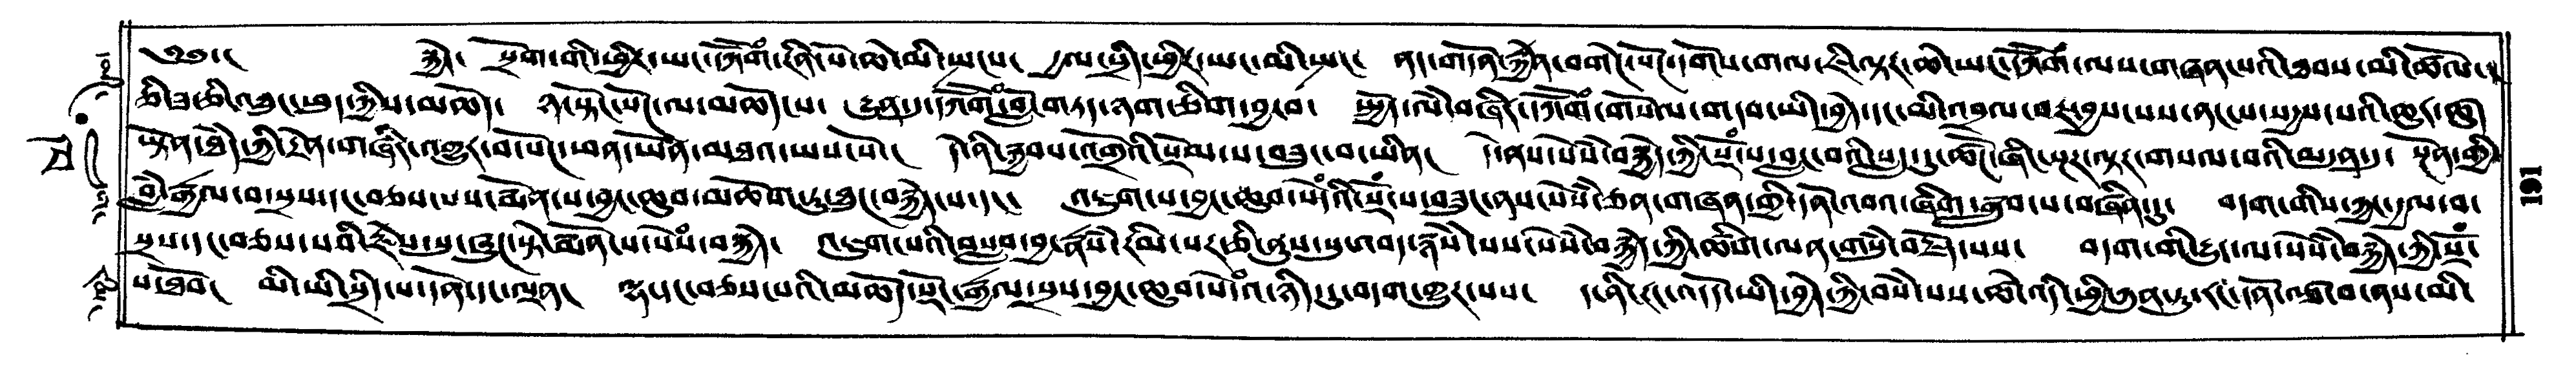བསྐྱེད། སྲོག་གི་ཕྱིར་ཡང་དཀོན་མཆོག་རིན་པོ་ཆེ་མི་སྤང་། རྒྱལ་སྲིད་ཕྱིར་ཡང་མི་སྤང་། ནད་གདོན་རྐྱེན་བགེགས་སོགས་དགོས་གལ་ཇི་ལྟར་ཆེ་ཡང་དཀོན་མཆོག་ལས་གཞན་པའི་ཐབས་མི་ཚོལ། 
ཅི་ཟ་ཅི་འཐུང་ཕུད་ཀྱིས་མཆོད། ཉ་སྟོང་སོགས་ལ་མཆོད་པ། རྒྱུན་དུ་དཀོན་མཆོག་ལ་བློ་གཏད་ཉག་ཅིག་བྱ་བ། སྤྱོད་ལམ་བཞིར་དཀོན་མཆོག་གསོལ་གདབ་ཡིད་བྱེད་དང་མི་འབྲལ་བར་བྱས་པས་ནང་པ་སངས་རྒྱས་པའི་ཁྱུར་ཚུད་ཅིང་། 
ཡོན་ཏན་ཐམས་ཅད་ཀྱི་རྟེན་གཞིར་འགྱུར་བ་སོགས་ཕན་ཡོན་མཐའ་ཡས་སོ།། དེ་ནི་སྐྱབས་འགྲོའི་སྡོམ་པ་བཟུང་བ་ཡིན། དེ་ནས་སེམས་བསྐྱེད་ཀྱི་སྡོམ་པ་བླང་བའི་སླད་དུ་ཚོགས་ཞིང་སྔར་ལྟར་གསལ་བའི་མདུན་དུ། སྔོན་གྱི་
བླ་མ་རྒྱལ་བ་སྲས་དང་བཅས་པས་སྨོན་པ་བྱང་ཆུབ་མཆོག་ཏུ་ཐུགས་བསྐྱེད་པ་དང་། འཇུག་པ་བྱང་ཆུབ་སེམས་དཔའི་སྡོམ་པ་བཟུང་ནས་སེམས་ཅན་གཞན་གྱི་དོན་འབའ་ཞིག་སྒྲུབ་པ་བཞིན་དུ།བདག་གིས་ཀྱང་རྒྱལ་བ་
སྲས་དང་བཅས་པའི་རྗེས་སུ་ཞུགས་ཏེ་སྨོན་པ་སེམས་བསྐྱེད། འཇུག་པའི་བསླབ་བྱ་རྣམས་རིམ་པར་ཅི་ནུས་སུ་འབད་སྙམ་པས་སེམས་བསྐྱེད་ཀྱི་ཚིག་ལན་གསུམ་བརྗོད་པས། བདག་གི་རྒྱུད་ལ་སེམས་བསྐྱེད་ཀྱི་སྡོམ་
པ་ཐོབ། མིའི་སྲིད་པ་དོན་དང་ལྡན། ལྷ་དང་བཅས་པའི་མཆོད་སྡོང་རྒྱལ་སྲས་བྱང་ཆུབ་སེམས་དཔའ་ཉིད་དུ་བདག་གྱུར་པས། ད་ནི་རང་འདོད་ཡིད་བྱེད་ཀྱི་བསམ་པས་ཚེ་འདི་ཕྱི་ཀུན་ཏུ་རང་དོན་རྩ་བ་ནས་མི་